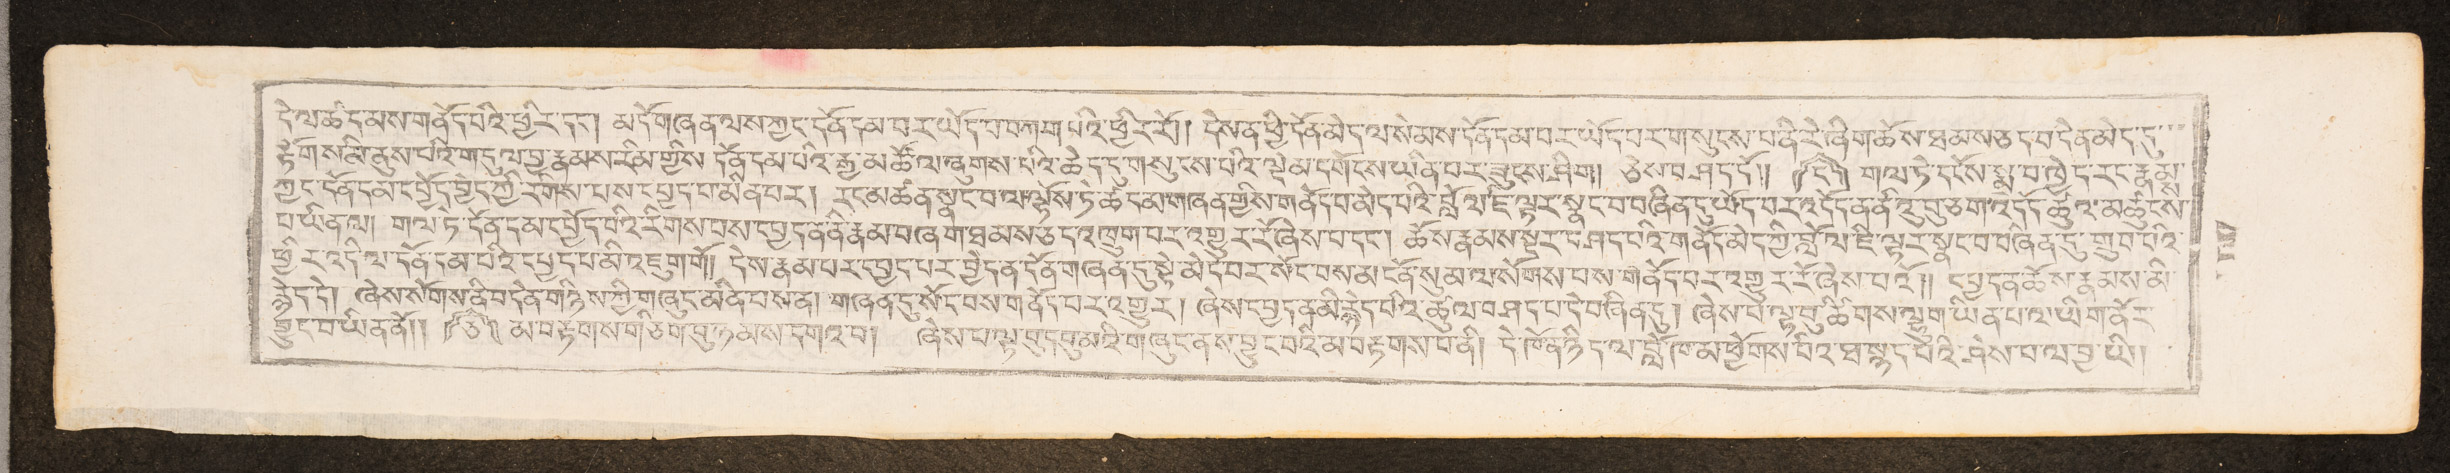དེ་ལ་ཚད་མས་གནོད་པའི་ཕྱིར་དང་། མདོ་གཞན་ལས་ཀྱང་དོན་དམ་པར་ཡོད་པ་བཀག་པའི་ཕྱིར་རོ། །དེས་ན་ཕྱི་དོན་མེད་ལ་སེམས་དོན་དམ་པར་ཡོད་པར་གསུངས་པ་ནི་རེ་ཞིག་ཆོས་ཐམས་ཅད་བདེན་མེད་དུ་
རྟོགས་མི་ནུས་པའི་གདུལ་བྱ་རྣམས་རིམ་གྱིས་དོན་དམ་པའི་རྒྱ་མཚོ་ལ་ཞུགས་པའི་ཆེད་དུ་གསུངས་པའི་ལྡེ་མ་དགོངས་ཡིན་པར་ཟུངས་ཤིག། །ཅེས་བཤད་དོ། །༼༽ང༼༽ གལ་ཏེ་དངོས་སྨྲ་བ་ཁྱེད་རང་རྣམས་
ཀྱང་དོན་དམ་དཔྱོད་བྱེད་ཀྱི་རིགས་པས་དཔྱད་པ་མིན་པར། རང་མཆན་སྣང་བ་ལ་ལྟོས་ཏེ་ཚད་མ་གཞན་གྱིས་གནོད་པ་མེད་པའི་བློ་ལ་ཇི་ལྟར་སང་བ་བཞིན་དུ་ཡོད་པར་འདོད་ན་ནིའུ་བུ་ཅག་འདོད་ཚུལ་མཚུངས་
པ་ཡིན་ལ། གལ་ཏེ་དོན་དམ་དཔྱོད་པའི་རིགས་པས་དཔྱད་ན་ནི་རྣམ་བཞག་ཐམས་ཅད་འཁྲུག་པར་འགྱུར་རོ་ཞེས་པ་དང་། ཆོས་རྣམས་སྔར་བཤད་པའི་གནོད་མེད་ཀྱི་བློ་ལ་ཇི་ལྟར་སྣང་བ་བཞིན་དུ་གྲུབ་པའི་
ཕྱིར་འདི་ལ་དོན་དམ་པའི་དཔྱད་པ་མི་འཇུག་གོ། དེས་རྣམས་པར་དཔྱད་པར་བྱེད་ན་དོན་གཞན་དུ་སྟེ་མེད་པར་སོང་བས་མངོན་སུམ་ལ་སོགས་པས་གནོད་པར་འགྱུར་རོ་ཞེས་པའོ། །དཔྱད་ན་ཆོས་རྣམས་མི་
རྙེད་དེ། ཞེས་སོགས་ནི་བདེན་གཉིས་ཀྱི་གཞུང་མིན་པས་ན། གཞན་དུ་སོང་བས་གནོད་པར་འགྱུར། ཞེས་དཔྱད་ན་མི་རྙེད་པའི་ཚུལ་བཤད་པ་དེ་བཞིན་དུ། ཞེས་པ་ལྟ་བུ་ཚིགས་ལྷུག་ཡིན་པ་ལ་ཡིག་ནོར་
བྱུང་བ་ཡིན་ནོ། །༼༽ཅ༼༽ མ་བརྟགས་གཅིག་བུ་ཉམས་དགའ་བ། ཞེས་པ་ལྟ་བུ་དབུ་མའི་གཞུང་ནས་བྱུང་བའི་མ་བརྟགས་པ་ནི། དེ་ཁོ་ན་ཉིད་ལ་བློ་ཁ་མ་ཕྱོགས་པའི་ཐ་སྙད་པའི་ཤེས་པ་ལ་བྱ་ཡི།